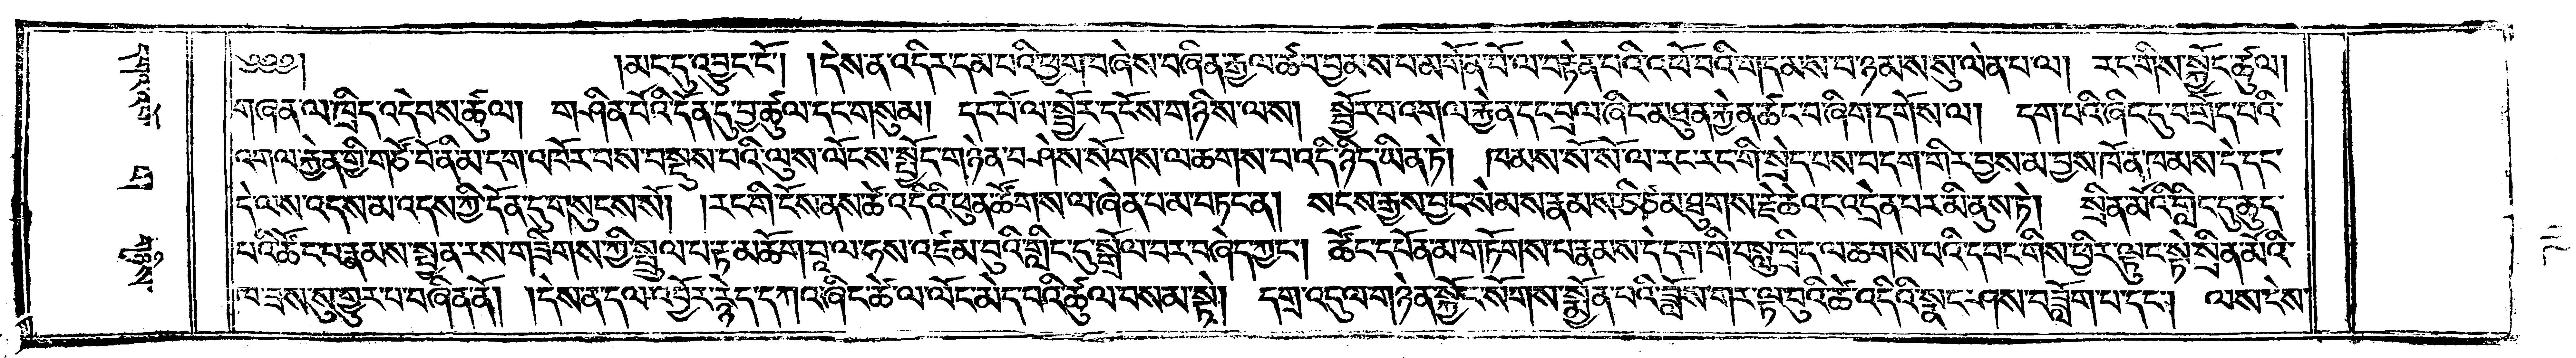༄༅༅། །མང་དུ་འབྱུང་ངོ། །དེས་ན་འདིར་དམ་པའི་ཕྱག་བཞེས་བཞིན་རྒྱལ་ཚབ་བྱམས་པ་མགོན་པོ་ལ་བརྟེན་པའི་འཕོ་བའི་གདམས་པ་ཉམས་སུ་ལེན་པ་ལ། རང་གིས་སྐྱོང་ཚུལ།
གཞན་ལ་ཁྲིད་འདེབས་ཚུལ། གཤིན་པོའི་དོན་དུ་བྱ་ཚུལ་དང་གསུམ། དང་པོ་ལ་སྦྱོར་དངོས་གཉིས་པ་ལས། སྦྱོར་བ་འགལ་རྐྱེན་དང་བྲལ་ཞིང་མཐུན་རྐྱེན་ཚང་བ་ཞིག་དགོས་ལ། དག་པའི་ཞིང་དུ་བགྲོད་པའི་
འགལ་རྐྱེན་གྱི་གཙོ་བོ་ནི་མ་དག་འཁོར་བས་བསྡུས་པའི་ལུས་ལོངས་སྤྱོད་གཉེན་བཤེས་སོགས་ལ་ཆགས་པ་འདི་ཉིད་ཡིན་ཏེ། ཁམས་སོ་སོ་ལ་རང་རང་གི་སྲེད་བས་བདག་གིར་བྱས་མ་བྱས་ཁོ་ན་ཁམས་དེ་དང་
དེ་ལས་འདས་མ་འདས་ཀྱི་དོན་དུ་གསུངས་སོ། །རང་གི་ངོས་ནས་ཚེ་འདིའི་ཕུན་ཚོགས་ལ་ཞེན་པ་མ་བཏང་ན། སངས་རྒྱས་བྱང་ཆུབ་སེམས་རྣམས་ཅི་ཙམ་ཐུགས་རྗེ་ཆེའང་འདྲེན་པར་མི་ནུས་ཏེ། སྲིན་མོའི་གླིང་དུ་ཆད་
པའི་ཆོང་པ་རྣམས་སྤྱན་རས་གཟིགས་ཀྱི་སྤྲུལ་པ་རྟ་མཆོག་བ་ལྷས་འཛམ་བུའི་གླིང་དུ་སྒྲོལ་བར་བཞེད་ཀྱང་། ཚོང་དཔོན་མ་གཏོགས་པ་རྣམས་དེ་དག་གི་བསླུ་བྲིད་ལ་ཆགས་པའི་དབང་གིས་ཕྱིར་ལྟུང་སྟེ་སྲིན་མོའི་
ཁ་ཟས་སུ་གྱུར་པ་བཞིན་ནོ། །དེས་ན་དལ་འབྱོར་རྙེད་དཀའ་ཞིང་ཚེ་ལ་ལོང་མེད་པའི་ཚུལ་བསམ་སྟེ། དགྲ་འདུལ་གཉེན་སྐྱོང་སོགས་སྨྱོན་པའི་ཟློས་ཀར་ལྟ་བུའི་ཚེ་འདིའི་སྣང་ཤས་བཟློག་པ་དང་། ལས་ངེས་